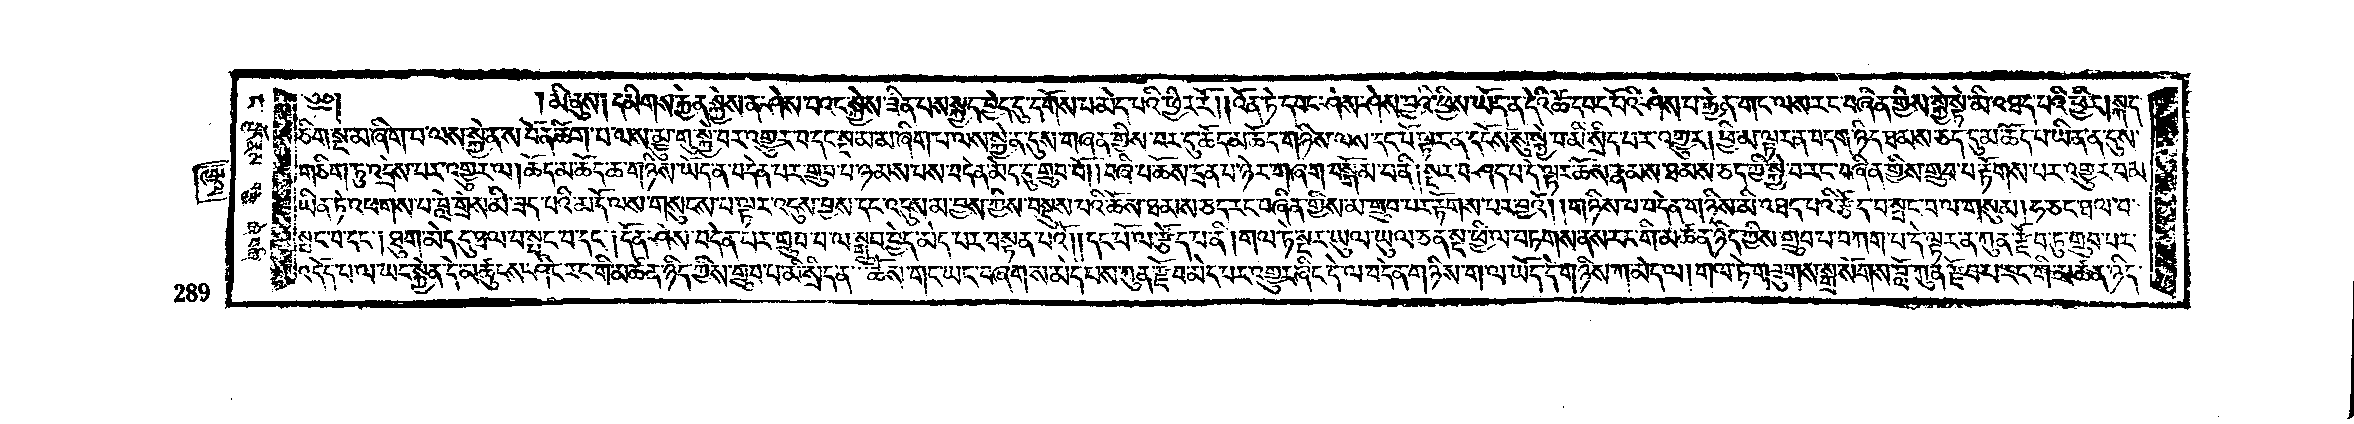༄༅། །མི་ནུས། དམིགས་རྐྱེན་སྐྱེས་ན་ཤེས་པའང་སྐྱེས་ཟིན་པས་སྐྱེད་བྱེད་དུ་དགོས་པ་མེད་པའི་ཕྱིར་རོ། །འོན་ཏེ་དབང་ཤེས་ཤེས་བྱའི་ཕྱིས་ཡོད་ན་དེའི་ཚེ་དབང་པོའི་ཤེས་པ་རྐྱེན་གང་ལས་རང་བཞིན་གྱིས་སྐྱེ་སྟེ་མི་འཐད་པའི་ཕྱིར། སྐད་
ཅིག་སྔ་མ་ཞིག་པ་ལས་སྐྱེ་ན་ས་བོན་ཚིག་པ་ལས་མྱུ་གུ་སྐྱེ་བར་འགྱུར་བ་དང་སྔ་མ་མ་ཞིག་པ་ལས་ཀྱེ་ན་དུས་གཞན་གྱིས་བར་དུ་ཆོད་མ་ཆོད་གཉིས་ལས་དང་པོ་ལྟར་ན་དངོས་སུ་སྐྱེ་བ་མི་སྲིད་པར་འགྱུར། ཕྱི་མ་ལྟར་ན་བདག་ཉིད་ཐམས་ཅད་དུ་མ་ཆོད་པ་ཡིན་ན་དུས་
གཅིག་ཏུ་འགྲེས་པར་འགྱུར་ལ། ཆོད་མ་ཆོད་ཆ་གཉིས་ཡོད་ན་བདེན་པར་གྲུབ་པ་ཉམས་པས་བདེན་མེད་དུ་གྲུབ་བོ། །བཞི་པ་ཆོས་དྲན་པ་ཉེར་གཞག་བསྒོམ་པ་ནི། སྔར་བཤད་པ་དེ་ལྟར་ཆོས་རྣམས་ཐམས་ཅད་ཀྱི་སྐྱེ་བ་རང་བཞིན་གྱིས་གྲུབ་པ་རྟོགས་པར་འགྱུར་བ་མ་
ཡིན་ཏེ་འཕགས་པ་བློ་གྲོས་མི་ཟད་པའི་མདོ་ལས་གསུངས་པ་ལྟར་འདུས་བྱས་དང་འདུས་མ་བྱས་ཀྱིས་བསྡུས་པའི་ཆོས་ཐམས་ཅད་རང་བཞིན་གྱིས་མ་གྲུབ་པར་རྟོགས་པར་བྱའོ། །གཉིས་པ་བདེན་གཉིས་མི་འཐད་པའི་རྩེད་པ་སྤང་བ་ལ་གསུམ། ཧ་ཅང་ཐལ་བ་
སྤང་བ་དང་། ཐུག་མེད་དུ་ཐལ་བ་སྤང་བ་དང་། དོན་ཤེས་བདེན་པར་གྲུབ་པ་ལ་སྒྲུབ་བྱེད་མེད་པར་བསྟན་པའོ། །དང་པོ་ལ་རྩོད་པ་ནི། གལ་ཏེ་སྔར་ཡུལ་ཡུལ་ཅན་སྔ་ཕྱི་ལ་བཏགས་ནས་རང་གི་མཚན་ཉིད་ཀྱིས་གྲུབ་པ་བཀག་པ་དེ་ལྟར་ན་ཀུན་རྫོབ་ཏུ་གྲུབ་པར་
འདོད་པ་ལ་ཡང་སྐྱེན་དེ་མཚུངས་ཤིང་རང་གི་མཚན་ཉིད་ཀྱིས་གྲུབ་པ་མི་སྲིད་ན་ཆོས་གང་ཡང་བཞག་ས་མེད་པས་ཀུན་རྫོབ་མེད་པར་འགྱུར་ཞིང་དེ་ལ་བདེན་གཉིས་ག་ལ་ཡོད་དེ་གཉིས་ཀ་མེད་ལ། གལ་ཏེ་གཟུགས་སྒྲ་སོགས་བློ་ཀུན་རྫོབ་པ་རང་གི་མཚན་ཉིད་